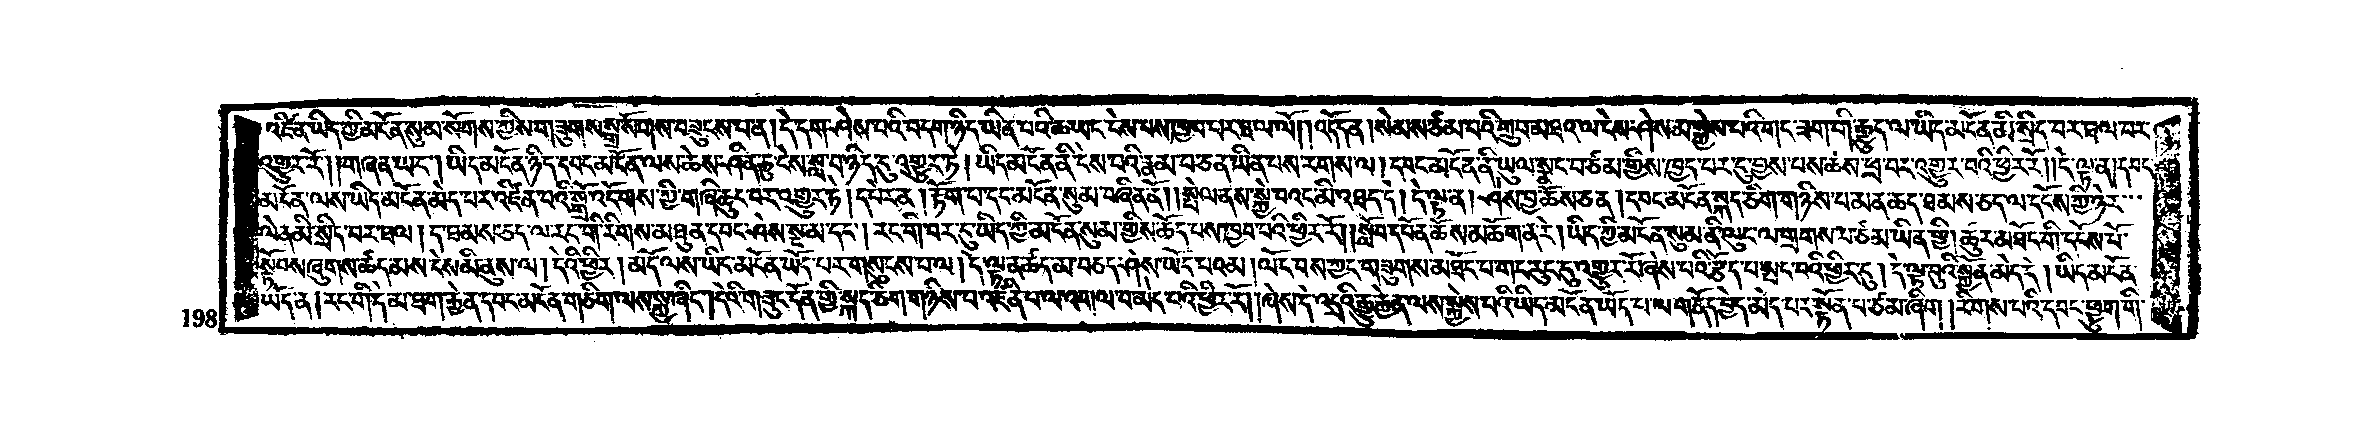འཛིན་ཡིད་ཀྱི་མངོན་སུམ་སོགས་ཀྱིས་གཟུགས་སྒྲ་སོགས་བཟུངས་པ་ན། དེ་དག་ཤེས་པའི་བདག་ཉིད་ཡིན་པའི་ཆ་ཡང་ངེས་པས་ཁྱབ་པར་ཐལ་ལོ། །འདོད་ན། སེམས་ཙམ་པའི་གྲུབ་མཐའ་ལ་ངེས་ཤེས་མ་སྐྱེས་པའི་གང་ཟག་གི་རྒྱུད་ལ་ཡིད་མངོན་མི་སྲིད་པར་ཐལ་བར་
འགྱུར་རོ། །གཞན་ཡང་། ཡིད་མངོན་ཉིད་དབང་མངོན་ལས་ཆེས་ཤིན་ཏུ་ངེས་སླ་བ་ཉིད་དུ་འགྱུར་ཏེ། ཡིད་མངོན་ནི་ངེས་པའི་རྣམ་པ་ཅན་ཡིན་པས་རགས་ལ། དབང་མངོན་ནི་ཡུལ་སྣང་བ་ཙམ་གྱིས་ཁྱད་པར་དུ་བྱས་པས་ཆས་ཕྲ་བར་འགྱུར་བའི་ཕྱིར་རོ། །དེ་ལྟ་ན། དབང་
མངོན་ལས་ཡིད་མངོན་མེད་པར་འཛིན་པའི་སྒྲོ་འདོགས་ཀྱི་གཞི་ཆུང་བར་འགྱུར་ཏེ། དཔེར་ན། རྟོག་པ་དང་མངོན་སུམ་བཞིན་ནོ། །སྤེལ་ནས་སྐྱེ་བའང་མི་འཐད་དེ། དེ་ལྟ་ན། ཤེས་བྱ་ཆོས་ཅན། དབང་མངོན་སྐད་ཅིག་གཉིས་པ་མན་ཆད་ཐམས་ཅད་ལ་དངོས་ཀྱི་ཉེར་
ལེན་མི་སྲིད་པར་ཐལ། དེ་ཐམས་ཅད་ལ་རང་གི་རིགས་མཐུན་དབང་ཤེས་སྔ་མ་དང་། རང་གི་བར་དུ་ཡིད་ཀྱི་མངོན་སུམ་གྱིས་ཆོད་པས་ཁྱབ་པའི་ཕྱིར་རོ། །སློབ་དཔོན་ཆོས་མཆོག་ན་རེ། ཡིད་ཀྱི་མངོན་སུམ་ནི་ལུང་ལ་གྲགས་པ་ཙམ་ཡིན་གྱི། ཚུར་མཐོང་གི་དངོས་པོ་
སྟོབས་ཞུགས་ཚད་མས་ངེས་མི་ནུས་ལ། དེའི་ཕྱིར། མདོ་ལས་ཡིད་མངོན་ཡོད་པར་གསུངས་པ་ལ། དེ་ལྟ་ན་ཚད་མ་བཅད་ཤེས་ཡོད་པའམ། ལོང་བས་ཀྱང་གཟུགས་མཐོང་བ་གང་རུང་དུ་འགྱུར་རོ་ཞེས་པའི་རྩོད་པ་སྤང་བའི་ཕྱིར་དུ། དེ་ལྟ་བུའི་སྐྱོན་མེད་དེ། ཡིད་མངོན་
ཡོད་ན། རང་གི་དེ་མ་ཐག་རྐྱེན་དབང་མངོན་གཅིག་ལས་སྐྱེ་ཞིང་། དེའི་གཟུང་དོན་གྱི་སྐད་ཅིག་གཉིས་པ་འཛིན་པ་ལ་འགལ་བ་མེད་པའི་ཕྱིར་རོ། །ཞེས་དེ་འདྲའི་རྒྱུ་རྐྱེན་ལས་སྐྱེས་པའི་ཡིད་མངོན་ཡོད་པ་ལ་གནོད་བྱེད་མེད་པར་སྟོན་པ་ཙམ་ཞིག །རིགས་པའི་དབང་ཕྱུག་གི་